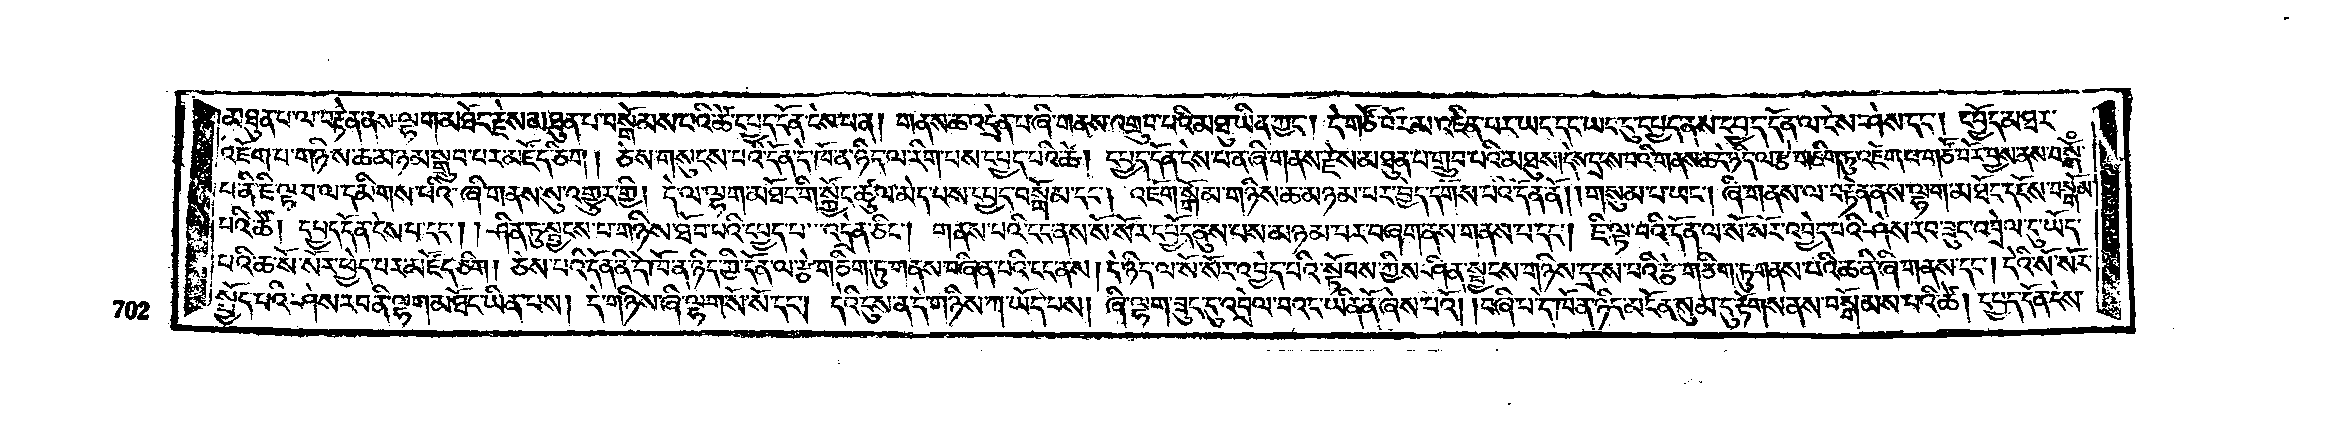མཐུན་པ་ལ་བརྟེན་ནས་ལྷག་མཐོང་རྗེས་མཐུན་པ་བསྒོམས་པའི་ཚེ་དཔྱད་དོན་ངེས་པ་ན། གནས་ཆ་འདྲེན་པ་ཞི་གནས་འགྲུབ་པའི་མཐུ་ཡིན་ཀྱང་། དེ་གཙོ་བོར་མ་འཛིན་པར་ཡང་དང་ཡང་དུ་དཔྱད་ནས་དཔྱད་དོན་ལ་ངེས་ཤེས་དང་། དཔྱད་མཐར་
འཇོག་པ་གཉིས་ཆ་མཉམ་སྒྲུབ་པར་མཛོད་ཅིག །ཅེས་གསུངས་པའི་དོན་དེ་ཁོ་ན་ཉིད་ལ་རིག་པས་དཔྱད་པའི་ཚེ། དཔྱད་དོན་ངེས་པ་ནི་ཞི་གནས་རྗེས་མཐུན་པ་གྲུབ་པའི་མཐུས། དེས་དྲངས་པའི་གནས་ཆ་དེ་ཉིད་ལ་རྩེ་གཅིག་ཏུ་འཇོག་པ་གཙོ་བོར་བྱས་ནས་བསྒོམ་
པ་ནི་ཇི་ལྟ་བ་ལ་དམིགས་པའི་ཞི་གནས་སུ་འགྱུར་གྱི། དེ་ལ་ལྷག་མཐོང་གི་སྐྱོང་ཚུལ་མེད་པས་དཔྱད་བསྒོམ་དང་། འཇོག་སྒོམ་གཉིས་ཆ་མཉམ་པར་བྱེད་དགོས་པའི་དོན་ནོ། །གསུམ་པ་ཡང་། ཞི་གནས་ལ་བརྟེན་ནས་ལྷག་མཐོང་དངོས་བསྒོམ་
པའི་ཚེ། དཔྱད་དོན་ངེས་པ་དང་། །ཤིན་ཏུ་སྦྱངས་པ་གཉིས་ཐོབ་པའི་དཔྱད་པ་འདྲེན་ཅིང་། གནས་པའི་ངང་ནས་སོ་སོར་དཔྱོད་ནུས་པས་མཉམ་པར་བཞག་ནས་གནས་པ་དང་། ཇི་ལྟ་བའི་དོན་ལ་སོ་སོར་འབྱེད་པའི་ཤེས་རབ་ཟུང་འབྲེལ་དུ་ཡོད་
པའི་ཆ་སོ་སོར་ཕྱེད་པར་མཛོད་ཅིག །ཅེས་པའི་དོན་ནི་དེ་ཁོ་ན་ཉིད་ཀྱི་དོན་ལ་རྩེ་གཅིག་ཏུ་གནས་བཞིན་པའི་ངང་ནས། དེ་ཉིད་ལ་སོ་སོར་འབྱེད་པའི་སྟོབས་ཀྱིས་ཤིན་སྦྱངས་གཉིས་དྲངས་པའི་རྩེ་གཅིག་ཏུ་གནས་པའི་ཆ་ནི་ཞི་གནས་དང་། དེའི་སོ་སོར་
སྤྱོད་པའི་ཤེས་རབ་ནི་ལྷག་མཐོང་ཡིན་པས། དེ་གཉིས་ཞི་ལྷག་སོ་སོ་དང་། དེའི་དུས་ན་དེ་གཉིས་ཀ་ཡོད་པས། ཞི་ལྷག་ཟུང་དུ་འབྲེལ་བའང་ཡིན་ནོ་ཞེས་པའོ། །བཞི་པ་དེ་ཁོ་ན་ཉིད་མངོན་སུམ་དུ་རྟོགས་ནས་བསྒོམས་པའི་ཚེ། དཔྱད་དོན་ངེས་